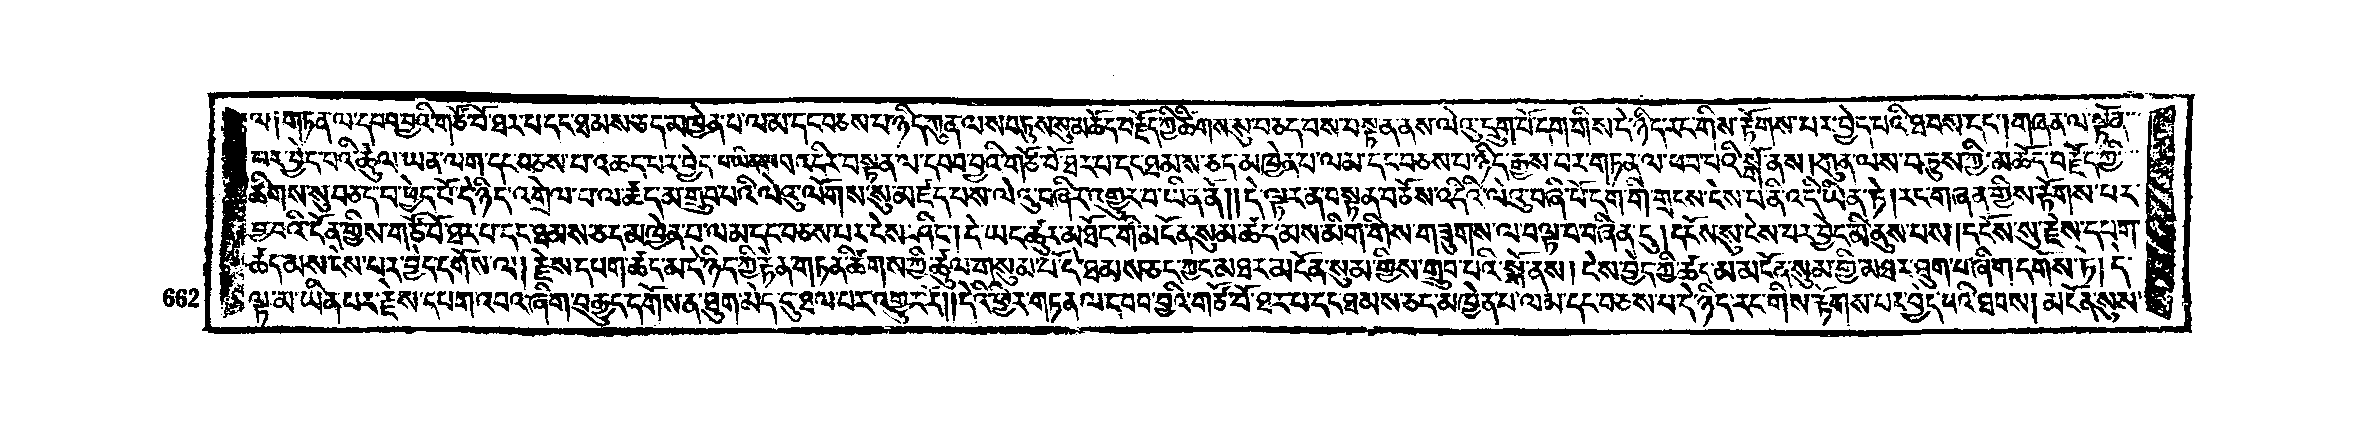ལ༑ གཏན་ལ་དབབ་བྱའི་གཙོ་བོ་ཐར་པ་དང་ཐམས་ཅད་མཁྱེན་པ་ལམ་དང་བཅས་པ་ཉིད་ཀུན་ལས་བཏུས་སུ་མཆོད་བརྗོད་ཀྱི་ཚིགས་སུ་བཅད་པས་བསྟན་ནས་ལེའུ་དྲུག་པོ་དག་གིས་དེ་ཉིད་རང་གིས་རྟོགས་པར་བྱེད་པའི་ཐབས་དང་། གཞན་ལ་སྟོན་
པར་བྱེད་པའི་ཚུལ་ཡན་ལག་དང་བཅས་པ་འཆད་པར་བྱེད་པ་ཡིན་ན་ཡང་། འདིར་བསྟན་ལ་དབབ་བྱའི་གཙོ་བོ་ཐར་པ་དང་ཐམས་ཅད་མཁྱེན་པ་ལམ་དང་བཅས་པ་ཉིད་རྒྱས་པར་གཏན་ལ་ཕབ་པའི་སྒོ་ནས། ཀུན་ལས་བཏུས་ཀྱི་མཆོད་བརྗོད་ཀྱི་
ཚིགས་སུ་བཅད་པ་ཕྱེད་པོ་དེ་ཉིད་འགྲེལ་པ་ལ་ཚད་མ་གྲུབ་པའི་ལེའུ་ལོགས་སུ་མཛད་པས་ལེའུ་བཞིར་འགྱུར་བ་ཡིན་ནོ། །དེ་ལྟར་ན་བསྟན་བཅོས་འདིའི་ལེའུ་བཞི་པོ་དག་གི་གྲངས་ངེས་པ་ནི་འདི་ཡིན་ཏེ། རང་གཞན་གྱིས་རྟོགས་པར་
བྱ་བའི་དོན་གྱིས་གཙོ་བོ་ཐར་པ་དང་ཐམས་ཅད་མཁྱེན་པ་ལམ་དང་བཅས་པར་ངེས་ཤིང་། དེ་ཡང་ཚུར་མཐོང་གི་མངོན་སུམ་ཚད་མས་མིག་གིས་གཟུགས་ལ་བལྟ་བ་བཞིན་དུ། དངོས་སུ་ངེས་པར་བྱེད་མི་ནུས་པས། དངོས་སུ་རྗེས་དཔག་
ཚད་མས་ངེས་པར་བྱེད་དགོས་ལ། རྗེས་དཔག་ཚད་མ་དེ་ཉིད་ཀྱི་རྟེན་གཏན་ཚིགས་ཀྱི་ཚུལ་གསུམ་པོ་དེ་ཐམས་ཅད་ཀྱང་མཐར་མངོན་སུམ་གྱིས་གྲུབ་པའི་སྒོ་ནས། ངེས་བྱེད་ཀྱི་ཚད་མ་མངོན་སུམ་གྱི་མཐར་ཐུག་པ་ཞིག་དགོས་ཏེ། དེ་
ལྟ་མ་ཡིན་པར་རྗེས་དཔག་འབའ་ཞིག་བརྒྱུད་དགོས་ན་ཐུག་མེད་དུ་ཐལ་པར་འགྱུར་རོ། །དེའི་ཕྱིར་གཏན་ལ་དབབ་བྱའི་གཙོ་བོ་ཐར་པ་དང་ཐམས་ཅད་མཁྱེན་པ་ལམ་དང་བཅས་པ་དེ་ཉིད་རང་གིས་རྟོགས་པར་བྱེད་པའི་ཐབས། མངོན་སུམ་